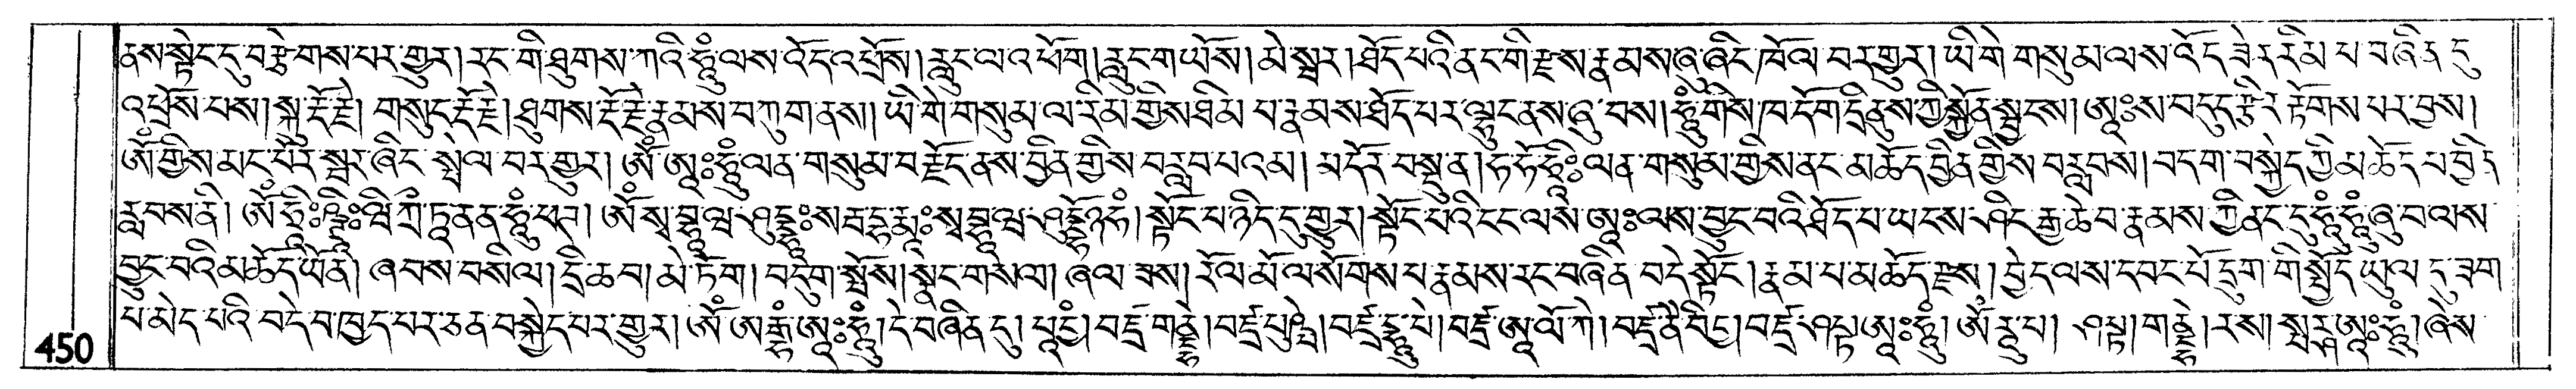ནས་སྟེང་དུ་བརྩེགས་པར་གྱུར། རང་གི་ཐུགས་ཀའི་ཧཱུཾ་ལས་འོད་འཕྲོས། རླུང་ལ་འཕོག །རླུང་གཡོས། མེ་སྦར། ཐོད་པའི་ནང་གི་རྫས་རྣམས་ཞུ་ཞིང་ཁོལ་བར་གྱུར། ཡི་གེ་གསུམ་ལས་འོད་ཟེར་རིམ་པ་བཞིན་དུ་
འཕྲོས་པས། སྐུ་རྡོ་རྗེ། གསུང་རྡོ་རྗེ། ཐུགས་རྡོ་རྗེ་རྣམས་བཀུག་ནས། ཡི་གེ་གསུམ་ལ་རིམ་གྱིས་ཐིམ་པ་རྣམས་ཐོད་པར་ལྷུང་ནས་ཞུ་བས། ཧཱུཾ་གིས་ཁ་དོག་དྲི་ནུས་ཀྱི་སྐྱོན་སྦྱངས། ཨཱཿ ས་བདུད་རྩིར་རྟོགས་པར་བྱས།
ཨོཾ་གྱིས་མང་པོར་སྦར་ཞིང་སྤེལ་བར་གྱུར། ཨོཾ་ཨཱཿ ཧཱུཾ་ལན་གསུམ་བརྗོད་ནས་བྱིན་གྱིས་བརླབ་པའམ། མདོར་བསྡུ་ན། ཧ་ཧོ་ཧྲཱིཿ ལན་གསུམ་གྱིས་ནང་མཆོད་བྱིན་གྱིས་བརླབས། བདག་བསྐྱེད་ཀྱི་མཆོད་པ་བྱིན་
རླབས་ནི། ཨོཾ་ཧྲཱིཿ ཥྚྲཱིཿ ཝི་ཀྲྀ་ཏཱ་ན་ན་ཧཱུཾ་ཕཊ། ཨོཾ་སྭ་བྷཱ་ཝ་ཤུདྡྷཱཿ སརྦ་དྷ་རྨཱཿ སྭ་བྷཱ་ཝ་ཤུདྡྷོ་ཉཧཾ། སྟོང་པ་ཉིད་དུ་གྱུར། སྟོང་པའི་ངང་ལས་ཨཱཿ ལས་བྱུང་བའི་ཐོད་པ་ཡངས་ཤིང་རྒྱ་ཆེ་བ་རྣམས་ཀྱི་ནང་དུ་ཧཱུཾ་ཧཱུཾ་ཞུ་བ་ལས་
བྱུང་བའི་མཆོད་ཡོན། ཞབས་བསིལ། དྲི་ཆབ། མེ་ཏོག །བདུག་སྤོས། སྣང་གསལ། ཞལ་ཟས། རོལ་མོ་ལ་སོགས་པ་རྣམས་རང་བཞིན་བདེ་སྟོང་། རྣམ་པ་མཆོད་རྫས། བྱེད་ལས་དབང་པོ་དྲུག་གི་སྤྱོད་ཡུལ་དུ་ཟག་
པ་མེད་པའི་བདེ་བ་ཁྱད་པར་ཅན་བསྐྱེད་པར་གྱུར། ཨོཾ་ཨརྒྷཾ་ཨཱཿ ཧཱུཾ། དེ་བཞིན་དུ། པཱ་དྱཾ། བཛྲ་གནྡྷེ། བཛྲ་པུཥྤེ། བཛྲ་དྷཱུ་པེ། བཛྲ་ཨཱ་ལོ་ཀེ། བཛྲ་ནཻ་བིདྱ། བཛྲ་ཤཔྟ་ཨཱཿ ཧཱུཾ། ཨོཾ་རཱུ་པ། ཤཔྟ། གནྡྷེ། ར་ས། སྤརྴ་ཨཱཿ ཧཱུཾ། ཞེས་